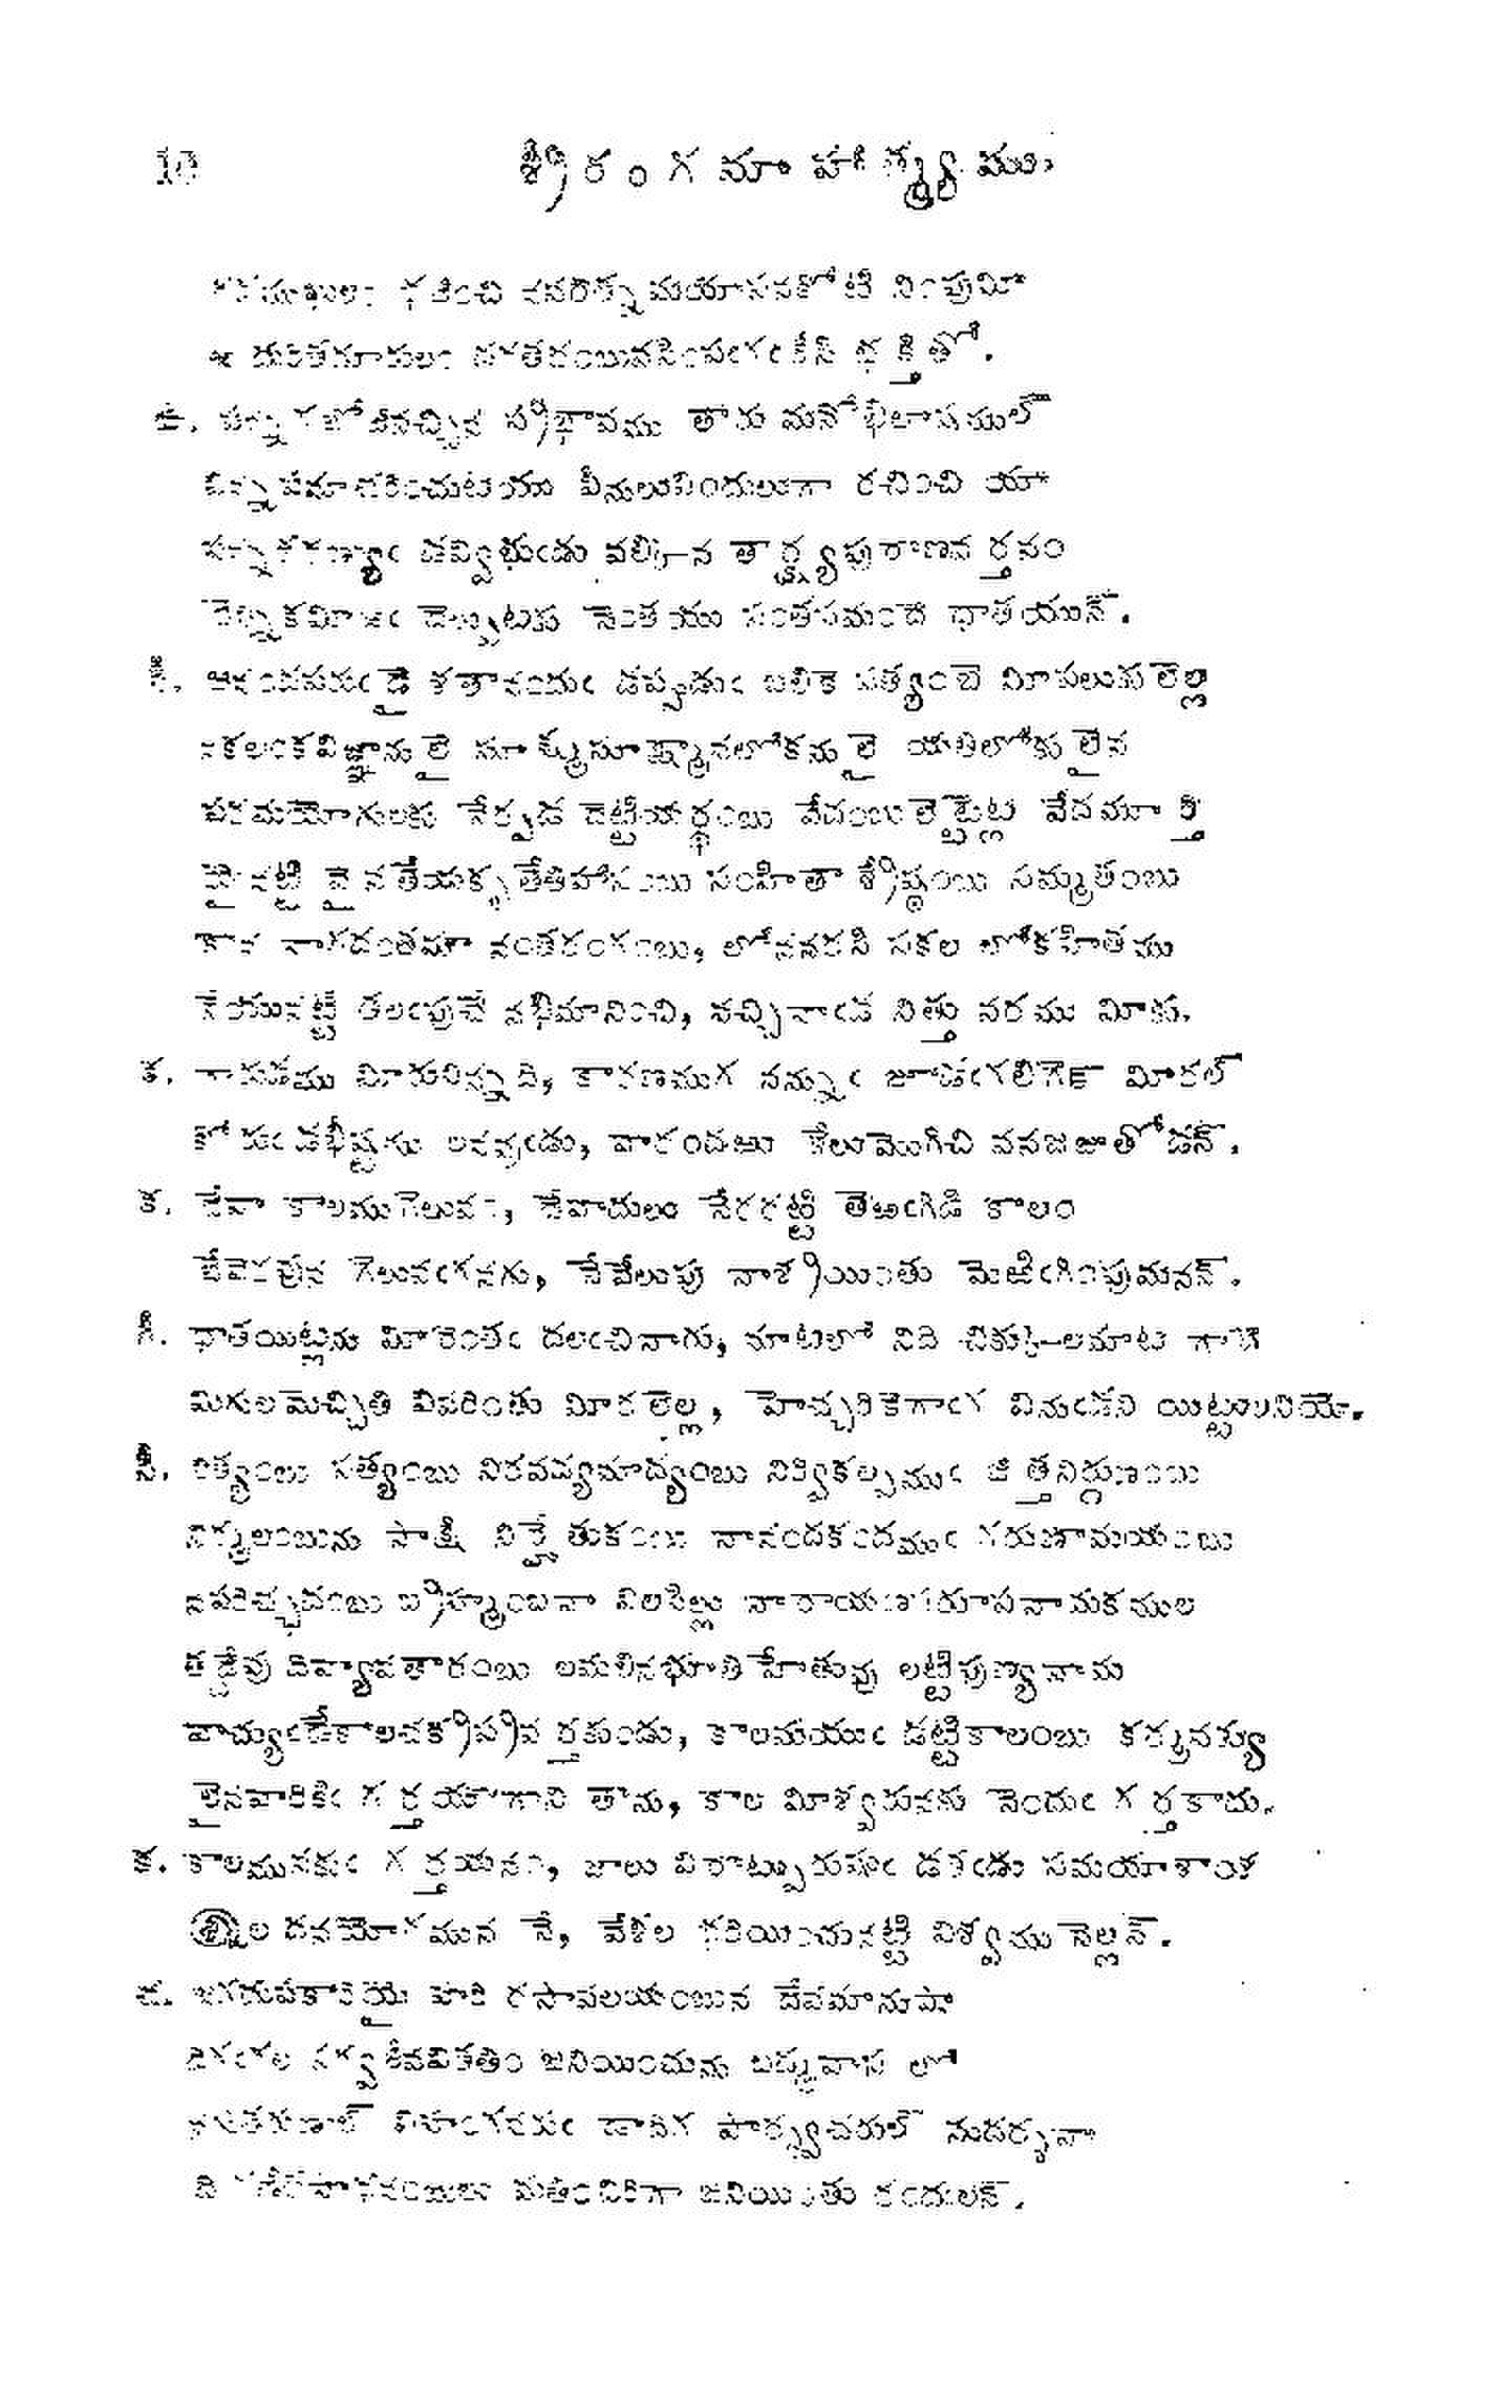రదముఖులం భజించి నవరత్నమయాసనకోటి నింపుమీ
 రిఁ దురితదూరులం దరతరంబు వసింపఁగఁజేసి భక్తితో.
ఉ. పన్నగబోటి వచ్చిన ప్రభావము తారు మనోభిలాషముల్
 విన్నపమాచరించుటయు వీనులువిందులుగా రచించి యా
 పన్నశరణ్యుఁ డవ్విభుఁడు వల్కిన తార్క్ష్యపురాణవర్తనం
 బెన్నికమీఱఁ దెల్పుటకు నెంతయు సంతసమందె ధాతయున్.
సీ. ఆనందపరుఁడై శతానందుఁ డప్పుడుఁ బలికె సత్యంబె మీపలుకులెల్ల
 నకలంకవిజ్ఞానులై సూక్ష్మసూక్ష్మావలోకనులై యతిలోకులైన
 పరమమయోగులకు నేర్పడ దెట్టియర్థంబు వేదంబు లెట్టెట్ల వేదమూర్తి.
 యైనట్టి వైనతేయకృతేతిహాసంబు సంహితాశ్రేష్ఠంబు సమ్మతంబు
 కాన నాగదంతమౌ నంతరంగంబు, లోననరసి సకలలోకహితము
 సేయునట్టి తలఁపుచే నభిమానించి, వచ్చినాఁడ నిత్తు వరము మీకు.
క. గారుడము మీరువిన్నది, కారణముగ నన్నుఁ జూడఁగలిగెన్ మీరల్
 కోరుఁ డభీష్టము లనవుఁడు, వారందఱు కేలు మొగిచి వనజజుతోడన్.
క. దేవా కాలము గెలువఁగ, దేవాదులు నేరరట్టి తెఱఁగిడి కాలం
 బేవెరవున గెలువఁగనగు, నేవేలుపు నాశ్రయింతు మెఱిఁగింపుమనన్.
గీ. ధాత యిట్లను మీరెంత దలఁచినారు, మాటలో నిది చిక్కులమాట గాదె
 మిగుల మెచ్చితి వివరింతు మీరలెల్ల , హెచ్చరికెగాఁగ వినుమని యిట్టులనియె.
సీ. నిత్యంబు సత్యంబు నిరవద్యమాద్యంబు నిర్వికల్పముఁ జిత్తనిర్గుణంబు
 నిర్మలంబును సాక్షి నిర్హేతుకంబు నానందకందముఁ గరుణామయంబు
 నపరిచ్ఛదంబు బహ్మంబనా విలసిల్లు నారాయణసరూపనామకముల
 తద్దేవు దివ్యావతారంబు లమలినభూతిహేతువు లట్టిపుణ్యనామ
 వాచ్యుఁడే కాలచక్రప్రవర్తకుండు, కాలమయుఁ డట్టికాలంబు కర్మవశ్యు
 లైనవారికిఁ గర్తయౌగాని తాను, కాల మీశ్వరునకు నెందుఁ గర్తకాదు.
క. కాలమునకుఁ గర్తయనని, జాలు విరాట్పురుషుఁ డఁతడు సమయాశాంక
 శ్రీల దనయోగమున నే, వేళల ధరియించునట్టి విశ్వము నెల్లన్.
చ. జగదుపకారియై హరి రసావలయంబున దేవమానుషా
 దిగఁగల సర్వజీవవితతిం జనియించును బద్మవాస లో
 నగుతరుణుల్ విహంగవరుఁ డాదిగ పార్శ్వచరుల్ సుదర్శనా
 దిగణితసాధనంబులు మతించిరిగా జనియింతు రందులన్.